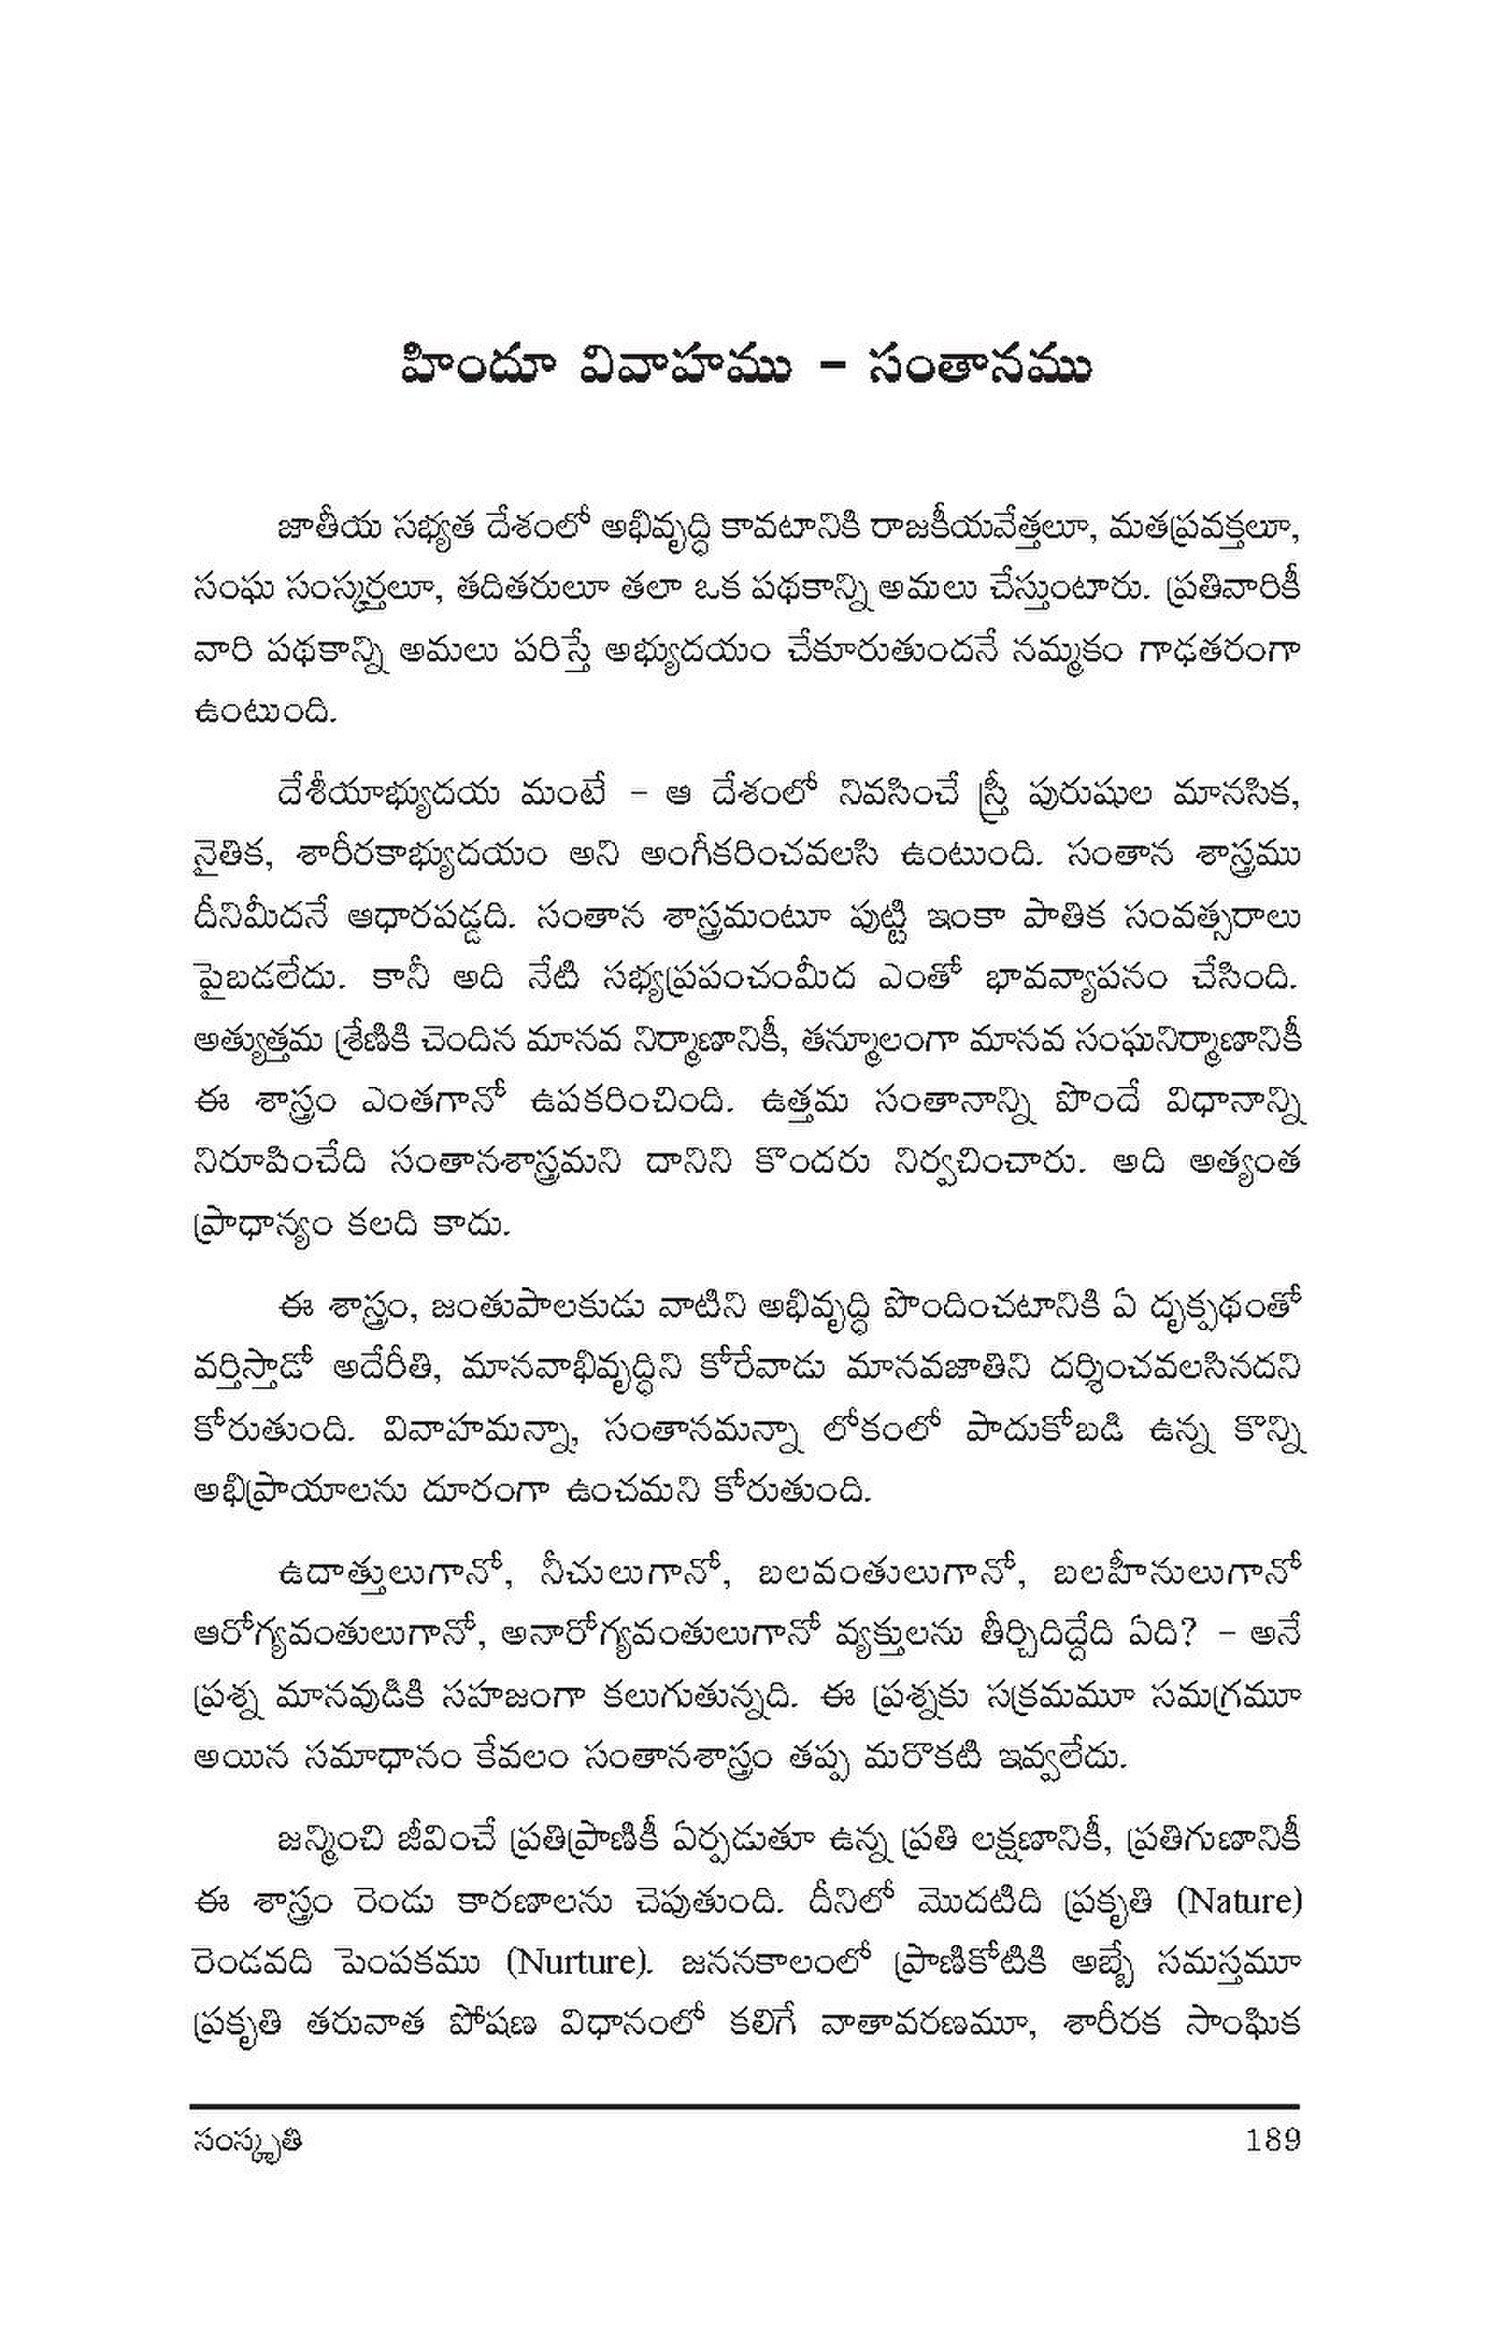జాతీయ సభ్యత దేశంలో అభివృద్ధి కావటానికి రాజకీయవేత్తలూ, మతప్రవక్తలూ,
సంఘ సంస్కర్తలూ, తదితరులూ తలా ఒక పథకాన్ని అమలు చేస్తుంటారు. ప్రతివారికీ
వారి పథకాన్ని అమలు పరిస్తే అభ్యుదయం చేకూరుతుందనే నమ్మకం గాఢతరంగా
ఉంటుంది.

దేశీయాభ్యుదయ మంటే - ఆ దేశంలో నివసించే స్త్రీ పురుషుల మానసిక,
నైతిక, శారీరకాభ్యుదయం అని అంగీకరించవలసి ఉంటుంది. సంతాన శాస్త్రము
దీనిమీదనే ఆధారపడ్డది. సంతాన శాస్త్రమంటూ పుట్టి ఇంకా పాతిక సంవత్సరాలు
పైబడలేదు. కానీ అది నేటి సభ్యప్రపంచంమీద ఎంతో భావవ్యాపనం చేసింది.
అత్యుత్తమ శ్రేణికి చెందిన మానవ నిర్మాణానికీ, తన్మూలంగా మానవ సంఘనిర్మాణానికీ
ఈ శాస్త్రం ఎంతగానో ఉపకరించింది. ఉత్తమ సంతానాన్ని పొందే విధానాన్ని
నిరూపించేది సంతానశాస్త్రమని దానిని కొందరు నిర్వచించారు. అది అత్యంత
ప్రాధాన్యం కలది కాదు.

ఈ శాస్త్రం, జంతుపాలకుడు వాటిని అభివృద్ధి పొందించటానికి ఏ దృక్పథంతో
వర్తిస్తాడో అదేరీతి, మానవాభివృద్ధిని కోరేవాడు మానవజాతిని దర్శించవలసినదని
కోరుతుంది. వివాహమన్నా, సంతానమన్నా లోకంలో పాదుకోబడి ఉన్న కొన్ని
అభిప్రాయాలను దూరంగా ఉంచమని కోరుతుంది.

ఉదాత్తులుగానో, నీచులుగానో, బలవంతులుగానో, బలహీనులుగానో
ఆరోగ్యవంతులుగానో, అనారోగ్యవంతులుగానో వ్యక్తులను తీర్చిదిద్దేది ఏది? - అనే
ప్రశ్న మానవుడికి సహజంగా కలుగుతున్నది. ఈ ప్రశ్నకు సక్రమమూ సమగ్రమూ
అయిన సమాధానం కేవలం సంతానశాస్త్రం తప్ప మరొకటి ఇవ్వలేదు.

జన్మించి జీవించే ప్రతిప్రాణికీ ఏర్పడుతూ ఉన్న ప్రతి లక్షణానికీ, ప్రతిగుణానికీ
ఈ శాస్త్రం రెండు కారణాలను చెపుతుంది. దీనిలో మొదటిది ప్రకృతి (Nature)
రెండవది పెంపకము (Nurture). జననకాలంలో ప్రాణికోటికి అబ్బే సమస్తమూ
ప్రకృతి తరువాత పోషణ విధానంలో కలిగే వాతావరణమూ, శారీరక సాంఘిక